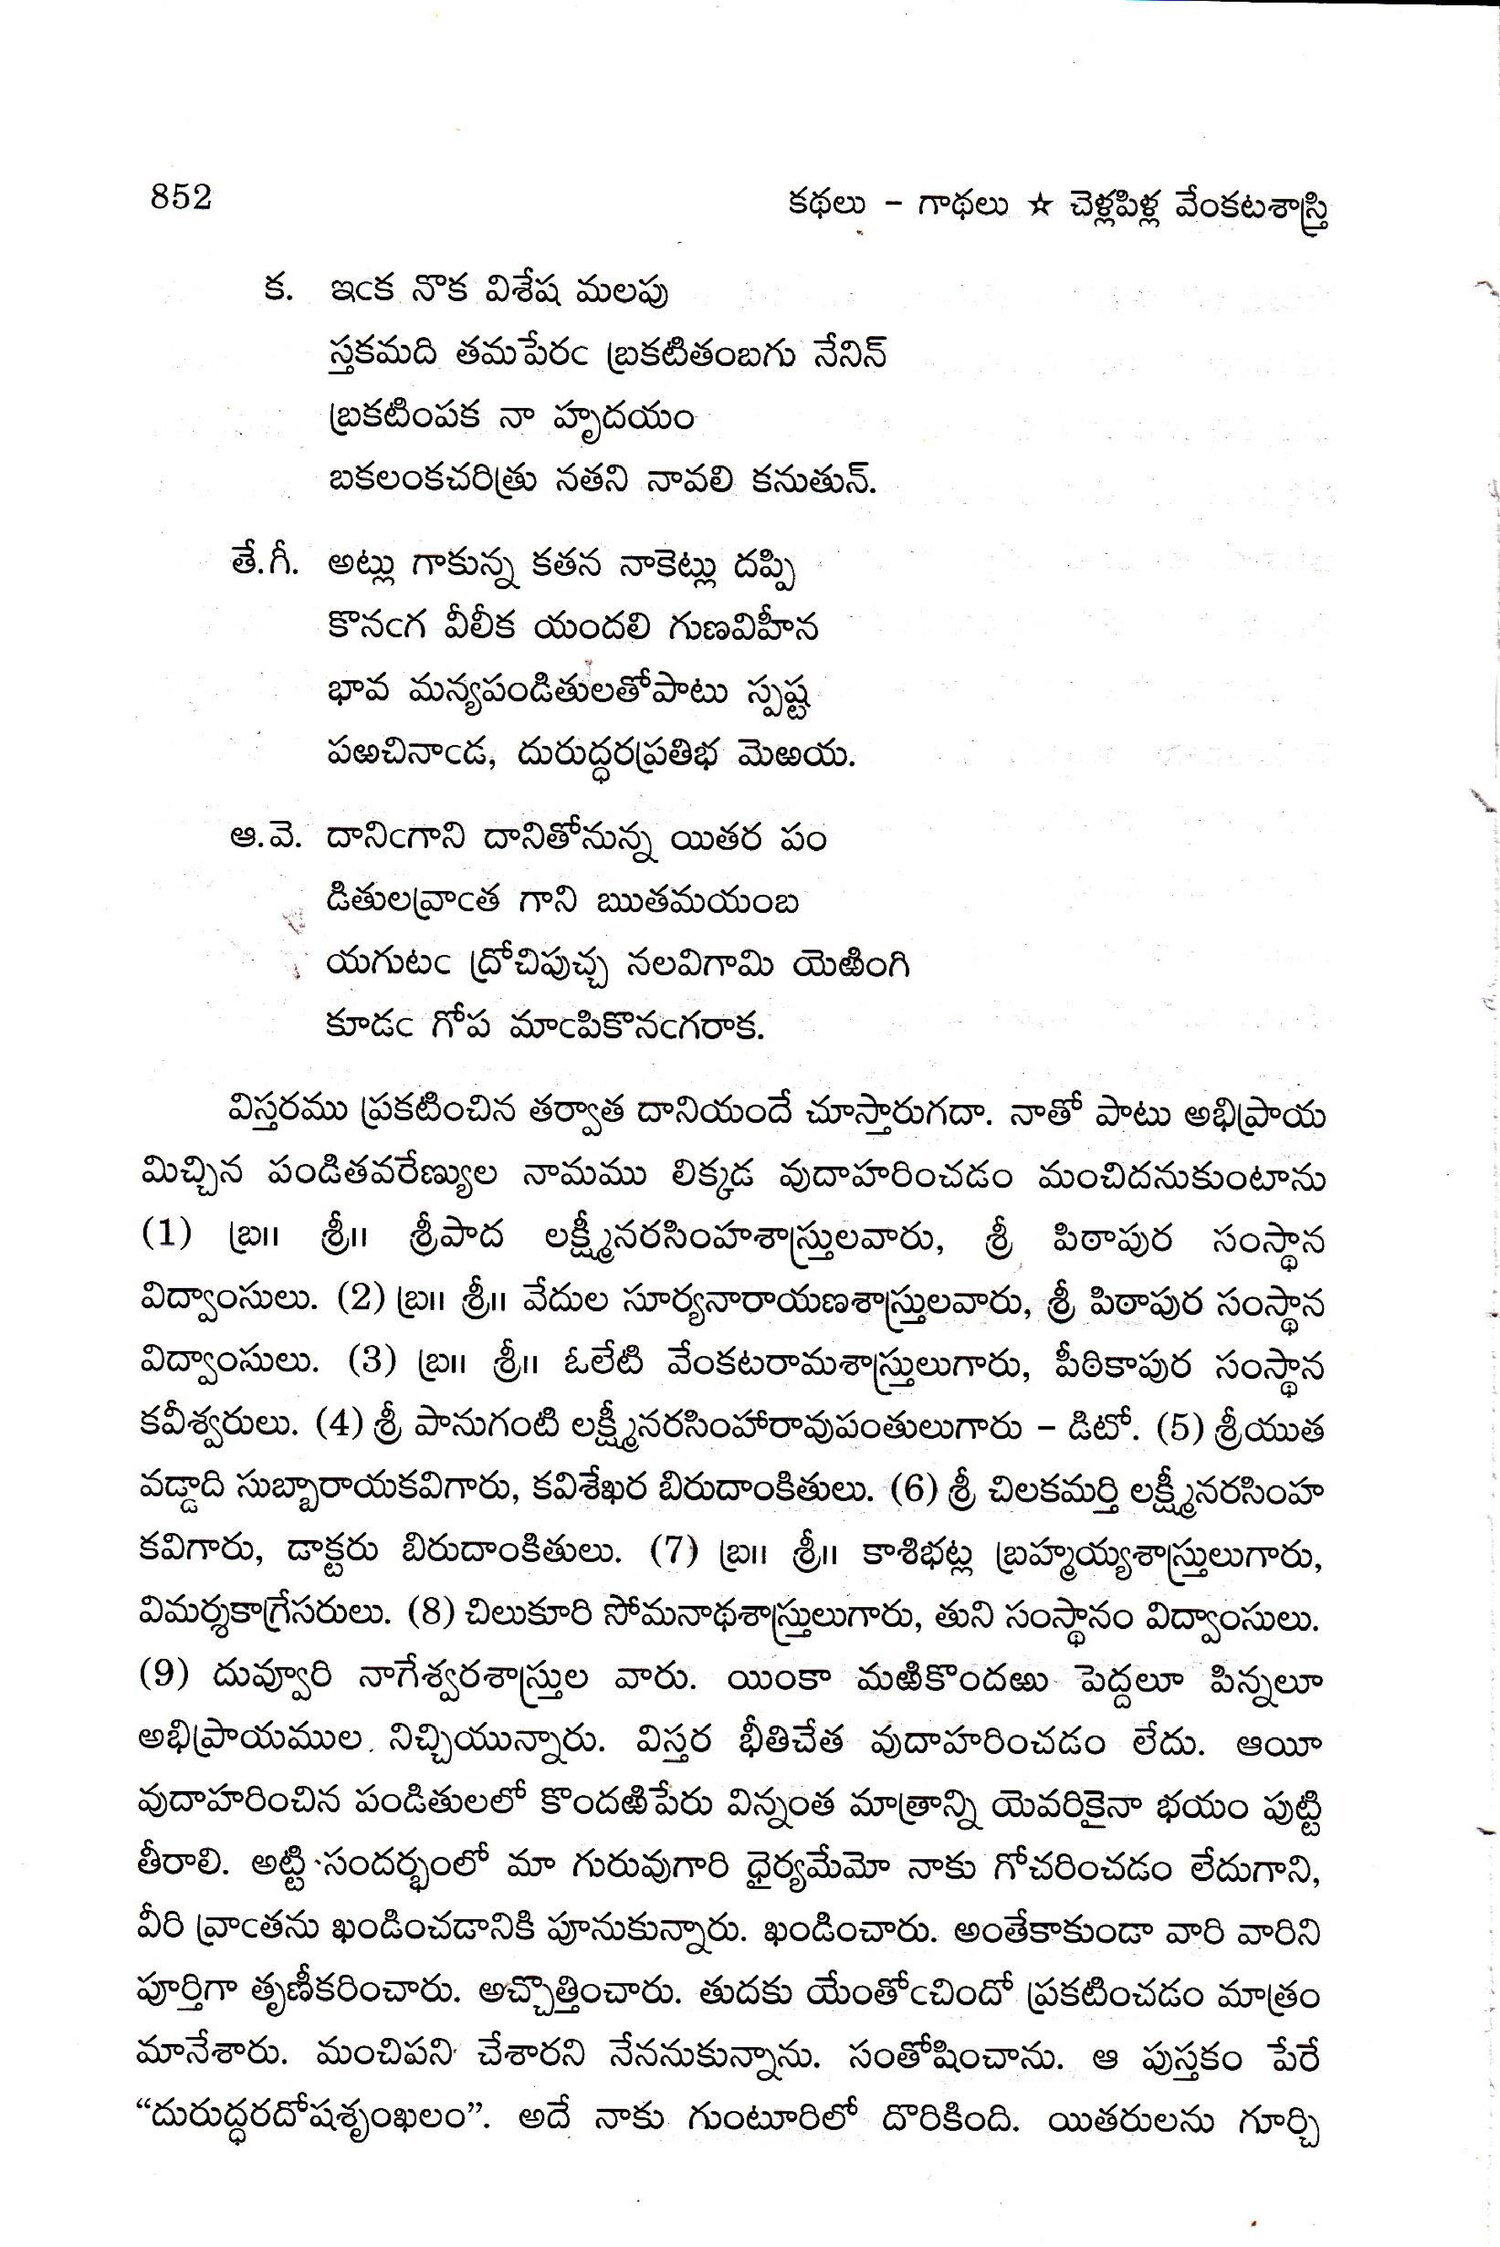క. ఇఁక నొక విశేష మలపు
 స్తకమది తమపేరఁ బ్రకటితంబగు నేనిన్ 
 బ్రకటింపక నా హృదయం 
 బకలంకచరిత్రు నతని నావలి కనుతున్.

తే.గీ. అట్లు గాకున్న కతన నాకెట్లు దప్పి
 కొనఁగ వీలీక యందలి గుణవిహీన 
 భావ మన్యపండితులతోపాటు స్పష్ట 
 పఱచినాఁడ, దురుద్ధరప్రతిభ మెఱయ.

ఆ.వె. దానిఁగాని దానితోనున్న యితర పం
 డితులవ్రాఁత గాని ఋతమయంబ 
 యగుటఁ ద్రోచిపుచ్చ నలవిగామి యెఱింగి
 కూడఁ గోప మాఁపికొనఁగరాక.
విస్తరము ప్రకటించిన తర్వాత దానియందే చూస్తారుగదా. నాతో పాటు అభిప్రాయ మిచ్చిన పండితవరేణ్యుల నామము లిక్కడ వుదాహరించడం మంచిదనుకుంటాను (1) బ్ర|| శ్రీ|| శ్రీపాద లక్ష్మీనరసింహశాస్త్రులవారు, శ్రీ పిఠాపుర సంస్థాన విద్వాంసులు. (2) బ్ర|| శ్రీ|| వేదుల సూర్యనారాయణశాస్త్రులవారు, శ్రీ పిఠాపుర సంస్థాన విద్వాంసులు. (3) బ్ర|| శ్రీ|| ఓలేటి వేంకటరామశాస్త్రులుగారు, పీఠికాపుర సంస్థాన కవీశ్వరులు. (4) శ్రీ పానుగంటి లక్ష్మీనరసింహారావుపంతులుగారు - డిటో, (5) శ్రీయుత వడ్డాది సుబ్బారాయకవిగారు, కవిశేఖర బిరుదాంకితులు. (6) శ్రీ చిలకమర్తి లక్ష్మీనరసింహ కవిగారు, డాక్టరు బిరుదాంకితులు. (7) బ్ర|| శ్రీ|| కాశిభట్ల బ్రహ్మయ్యశాస్త్రులుగారు, విమర్శకాగ్రేసరులు. (8) చిలుకూరి సోమనాథశాస్త్రులుగారు, తుని సంస్థానం విద్వాంసులు. (9) దువ్వూరి నాగేశ్వరశాస్త్రుల వారు. యింకా మఱికొందఱు పెద్దలూ పిన్నలూ అభిప్రాయముల నిచ్చియున్నారు. విస్తర భీతిచేత వుదాహరించడం లేదు. ఆయీ వుదాహరించిన పండితులలో కొందఱిపేరు విన్నంత మాత్రాన్ని యెవరికైనా భయం పుట్టి తీరాలి. అట్టి సందర్భంలో మా గురువుగారి ధైర్యమేమో నాకు గోచరించడం లేదుగాని, వీరి వ్రాఁతను ఖండించడానికి పూనుకున్నారు. ఖండించారు. అంతేకాకుండా వారి వారిని పూర్తిగా తృణీకరించారు. అచ్చొత్తించారు. తుదకు యేంతోcచిందో ప్రకటించడం మాత్రం మానేశారు. మంచిపని చేశారని నేననుకున్నాను. సంతోషించాను. ఆ పుస్తకం పేరే “దురుద్ధరదోషశృంఖలం". అదే నాకు గుంటూరిలో దొరికింది. యితరులను గూర్చి